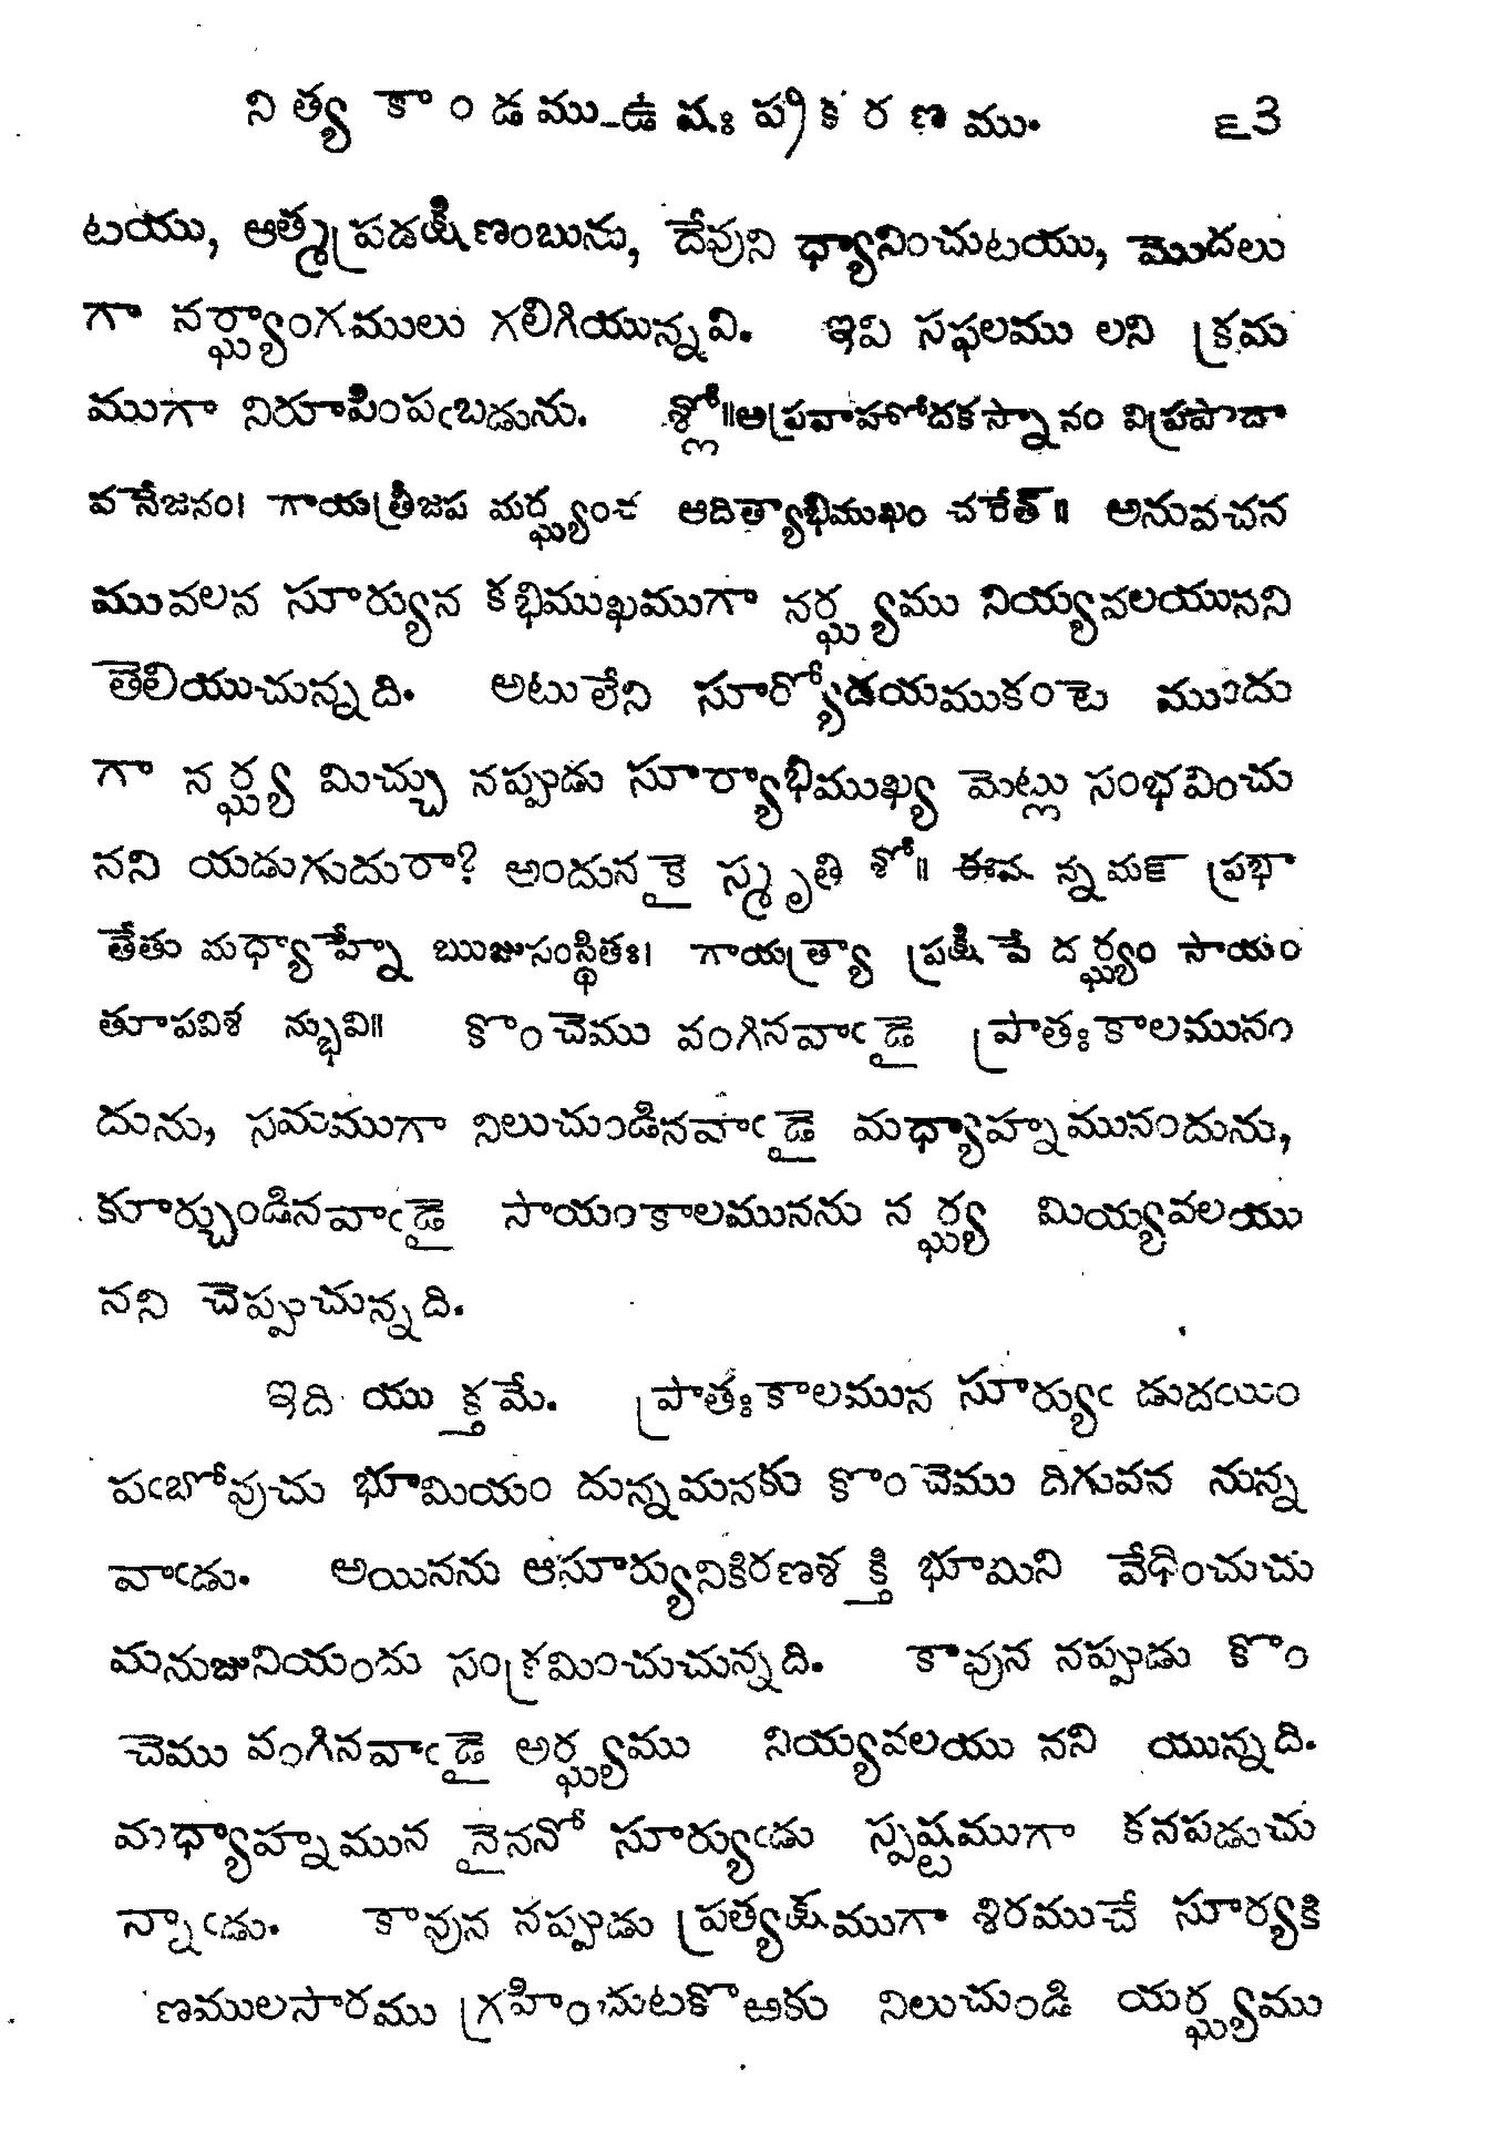టయు, ఆత్మప్రదక్షిణంబును, దేవుని ధ్యానించుటయు, మొదలుగా నర్ఘ్యాంగములు గలిగియున్నవి. ఇవి సఫలము లని క్రమముగా నిరూపింపఁబడును. శ్లో॥ అప్రవాహోదకస్నానం విప్రపాదావనేజనం। గాయత్రీజప మర్ఘ్యంచ ఆదిత్యాభిముఖం చరేత్ ॥ అనువచనమువలన సూర్యున కభిముఖముగా నర్ఘ్యము నియ్యవలయునని
తెలియుచున్నది. అటులేని సూర్యోదయముకంటె ముందుగా నర్ఘ్య మిచ్చు నప్పుడు సూర్యాభిముఖ్య మెట్లు సంభవించునని యడుగుదురా? అందునకై స్మృతి శో॥ ఈష న్నమన్ ప్రభాతేతు మధ్యాహ్నే ఋజుసంస్థితః। గాయత్ర్యా ప్రక్షి పేదర్ఘ్యం సాయంతూపవిశ న్భువి॥ కొంచెము వంగినవాఁడై ప్రాతఃకాలమునందును, సమముగా నిలుచుండినవాఁడై మధ్యాహ్నమునందును, కూర్చుండినవాఁడై సాయంకాలమునను నర్ఘ్య మియ్యవలయునని చెప్పుచున్నది.

ఇది యుక్తమే. ప్రాతఃకాలమున సూర్యుఁ డుదయింపఁబోవుచు భూమియం దున్నమనకు కొంచెము దిగువన నున్నవాఁడు. అయినను ఆసూర్యునికిరణశక్తి భూమిని వేధించుచు మనుజునియందు సంక్రమించుచున్నది. కావున నప్పుడు కొంచెము వంగినవాఁడై అర్ఘ్యము నియ్యవలయు నని యున్నది. మధ్యాహ్నమున నైననో సూర్యుఁడు స్పష్టముగా కనపడుచున్నాఁడు. కావున నప్పుడు ప్రత్యక్షముగా శిరముచే సూర్యకిణములసారము గ్రహించుటకొఱకు నిలుచుండి యర్ఘ్యము